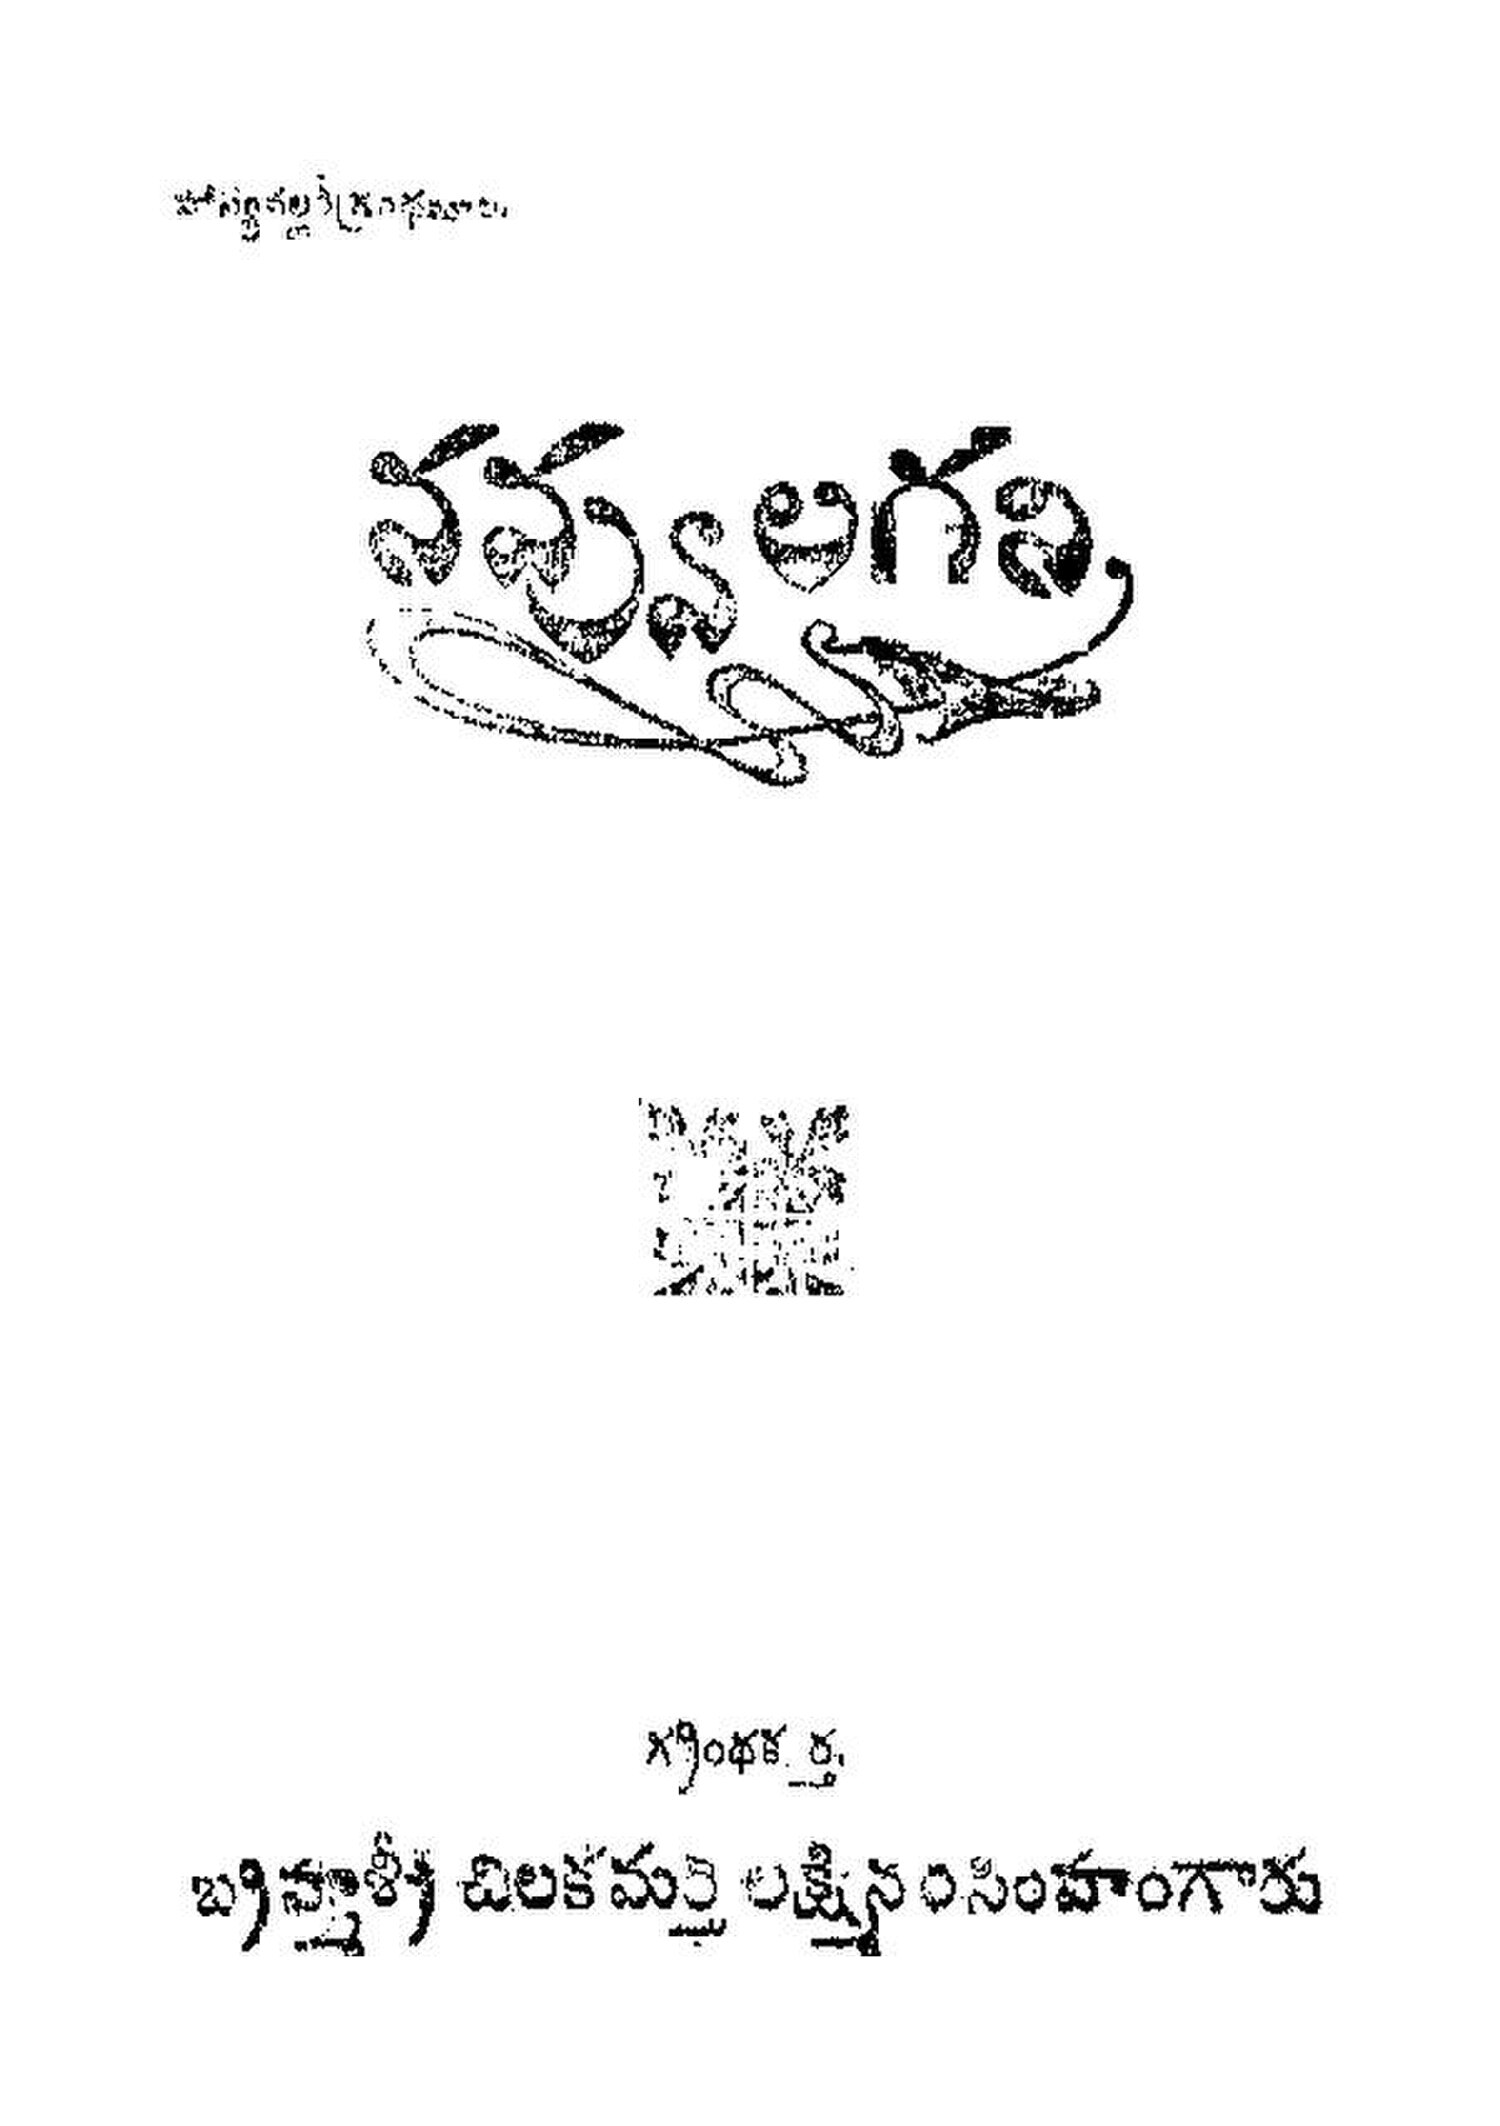హాస్య వల్లరీ గ్రంధమాల

గ్రంథకర్త,
బ్రహ్మశ్రీ చిలకమర్తి లక్ష్మీనరసింహంగారు